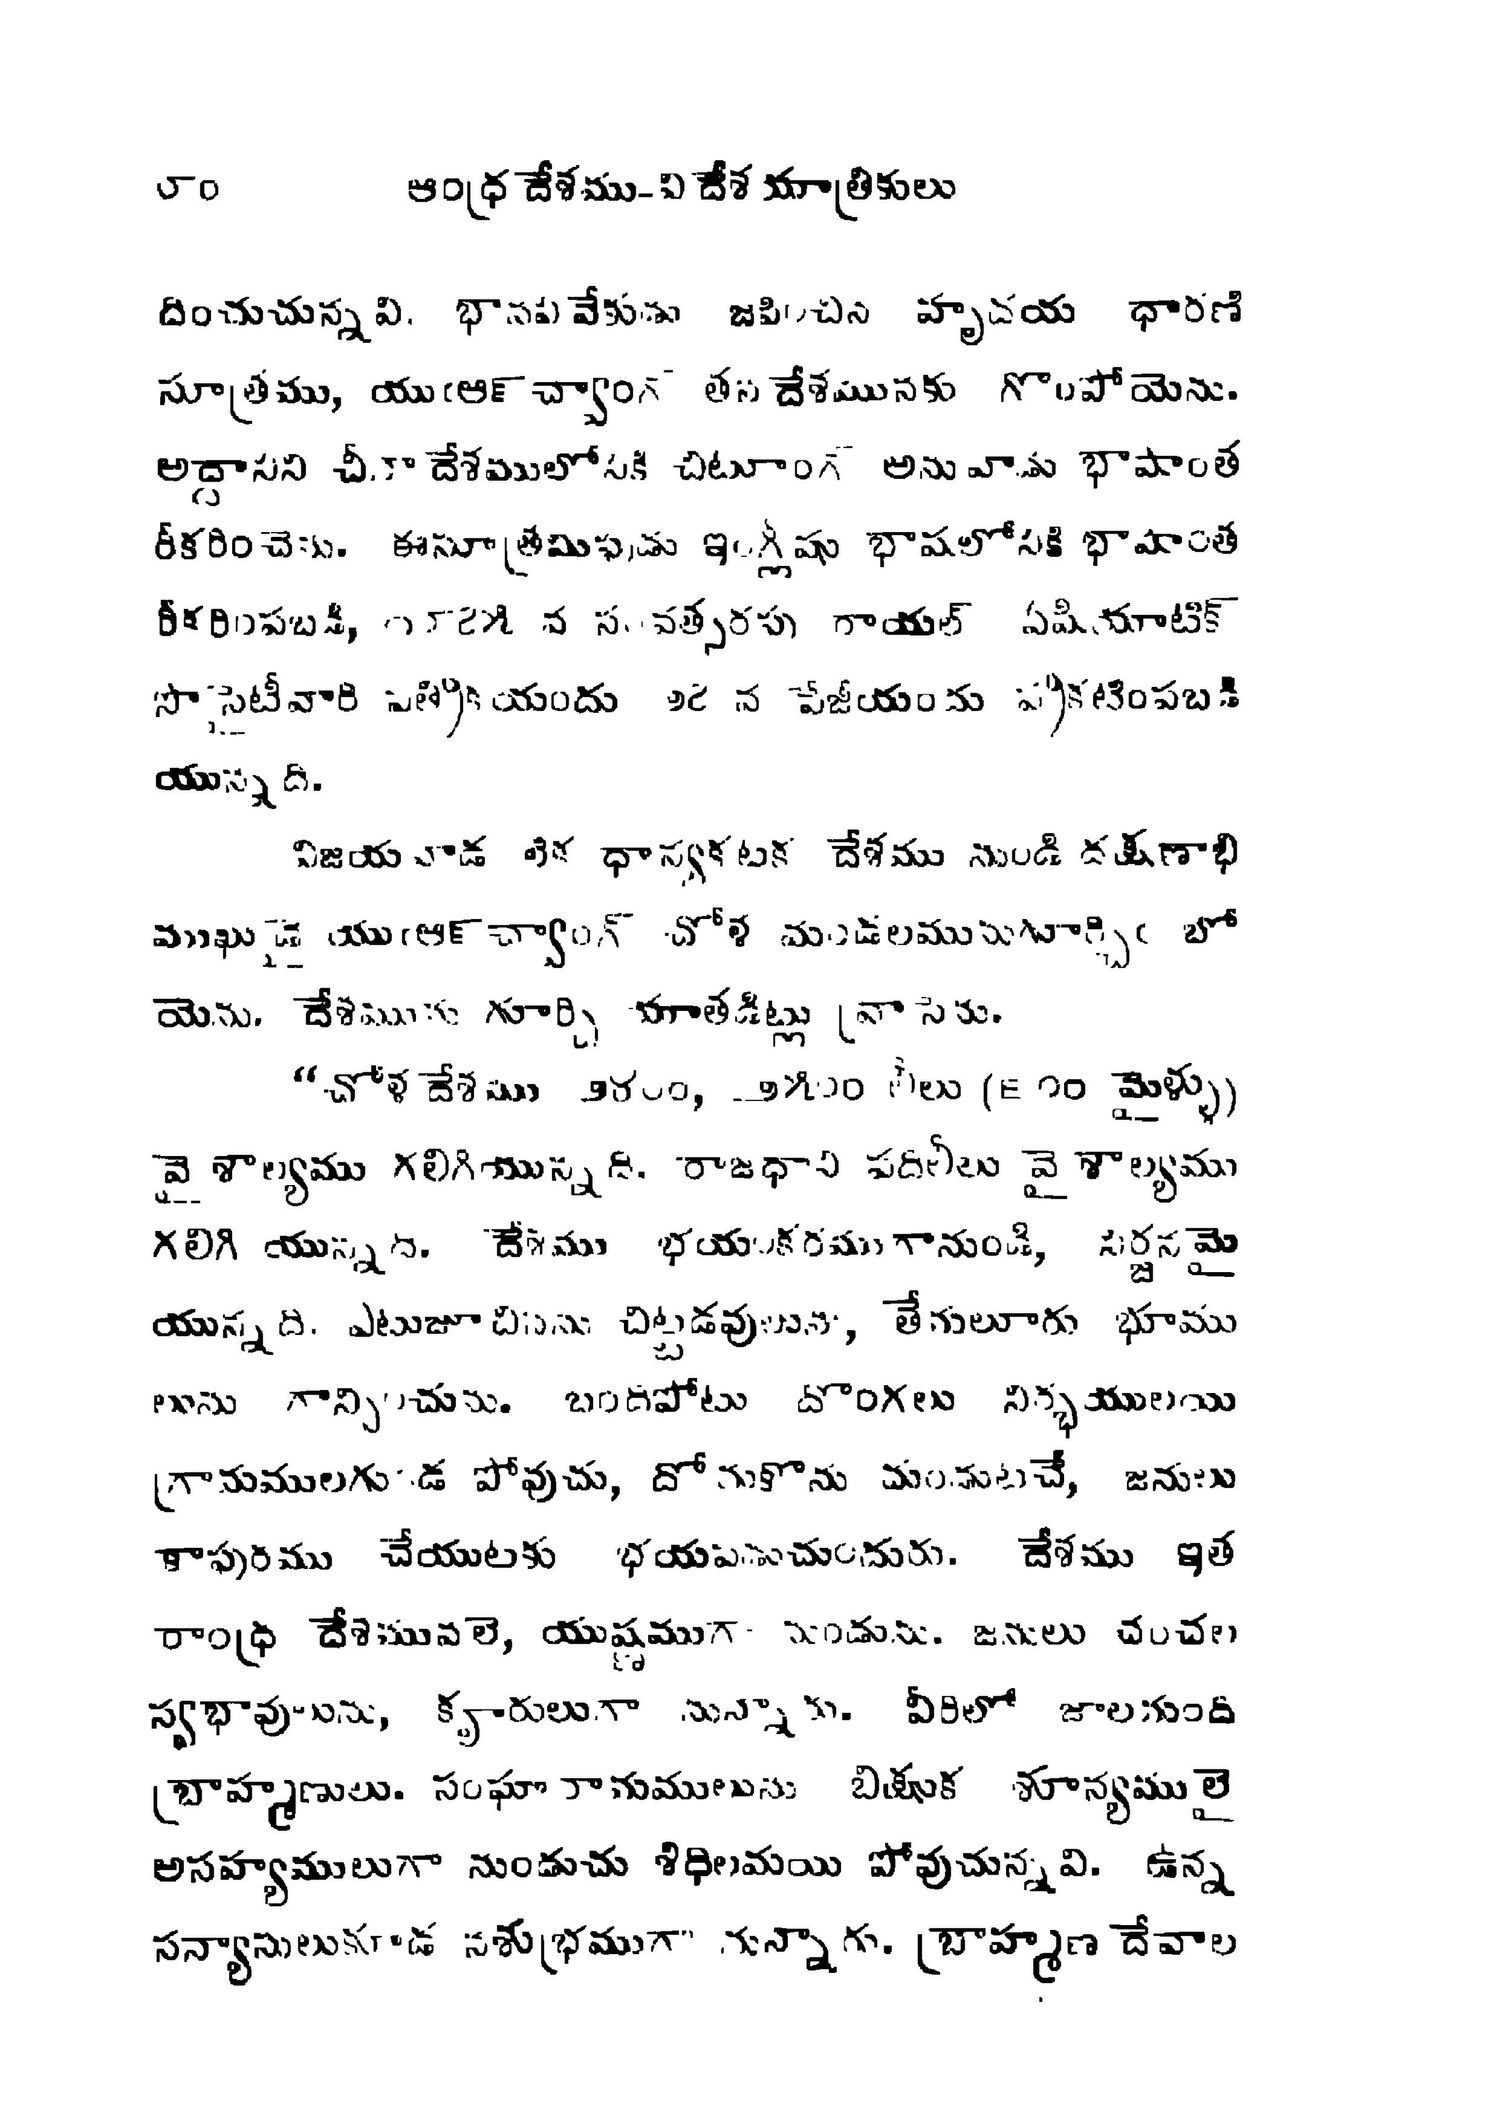దించుచున్నవి. భావవివేకుడు జపించిన హృదయ ధారణి సూత్రము, యుఆన్ చ్వాంగ్ తనదేశమునకు గొంపోయెను. అద్దానిని చీనాదేశములోనికి చిటూంగ్ అనువాడు భాషాంతరీకరించెను. ఈసూత్రమిపుడు ఇంగ్లీషు భాషలోనికి భాషాంతరీకరింపబడి, 1875 వ సంవత్సరపు రాయల్ ఏషియాటిక్ సొసైటీవారి పత్రికయందు 27 వ పేజీయందు ప్రకటింపబడియున్నది.

విజయవాడ లేక ధాన్యకటక దేశము నుండి దక్షణాభిముఖుడై యుఆన్ చ్వాంగ్ చోళ మండలమునుగూర్చి బోయెను. దేశమును గూర్చి యాతడిట్లు వ్రాసెను.

"చోళదేశము 2400, 2500 లీలు (600 మైళ్ళు) వైశాల్యము గలిగియున్నది రాజధాని పదిలీలు వైశాల్యము గలిగి యున్నది. దేశము భయంకరముగానుండి, నిర్జనమై యున్నది. ఎటుజూచినను చిట్టడవులును, తేమలూరు భూములును గాన్పించును. బందిపోటు దొంగలు నిర్భయులయి గ్రామములగుండ పోవుచు, దోచుకొను చుండుటచే, జనులు కాపురము చేయుటకు భయపడుచుందురు. దేశము ఇతరాంధ్ర దేశమువలె, యుష్ణముగా నుండును. జనులు చంచల స్వభావులును, కౄరులుగా నున్నారు. వీరిలో జాలమంది బ్రాహ్మణులు. సంఘారామములును బిక్షుక శూన్యములై అసహ్యములుగా నుండుచు శిధిలమయి పోవుచున్నవి. ఉన్న సన్యాసులుకూడ నశుభ్రముగా నున్నారు. బ్రాహ్మణ దేవాల